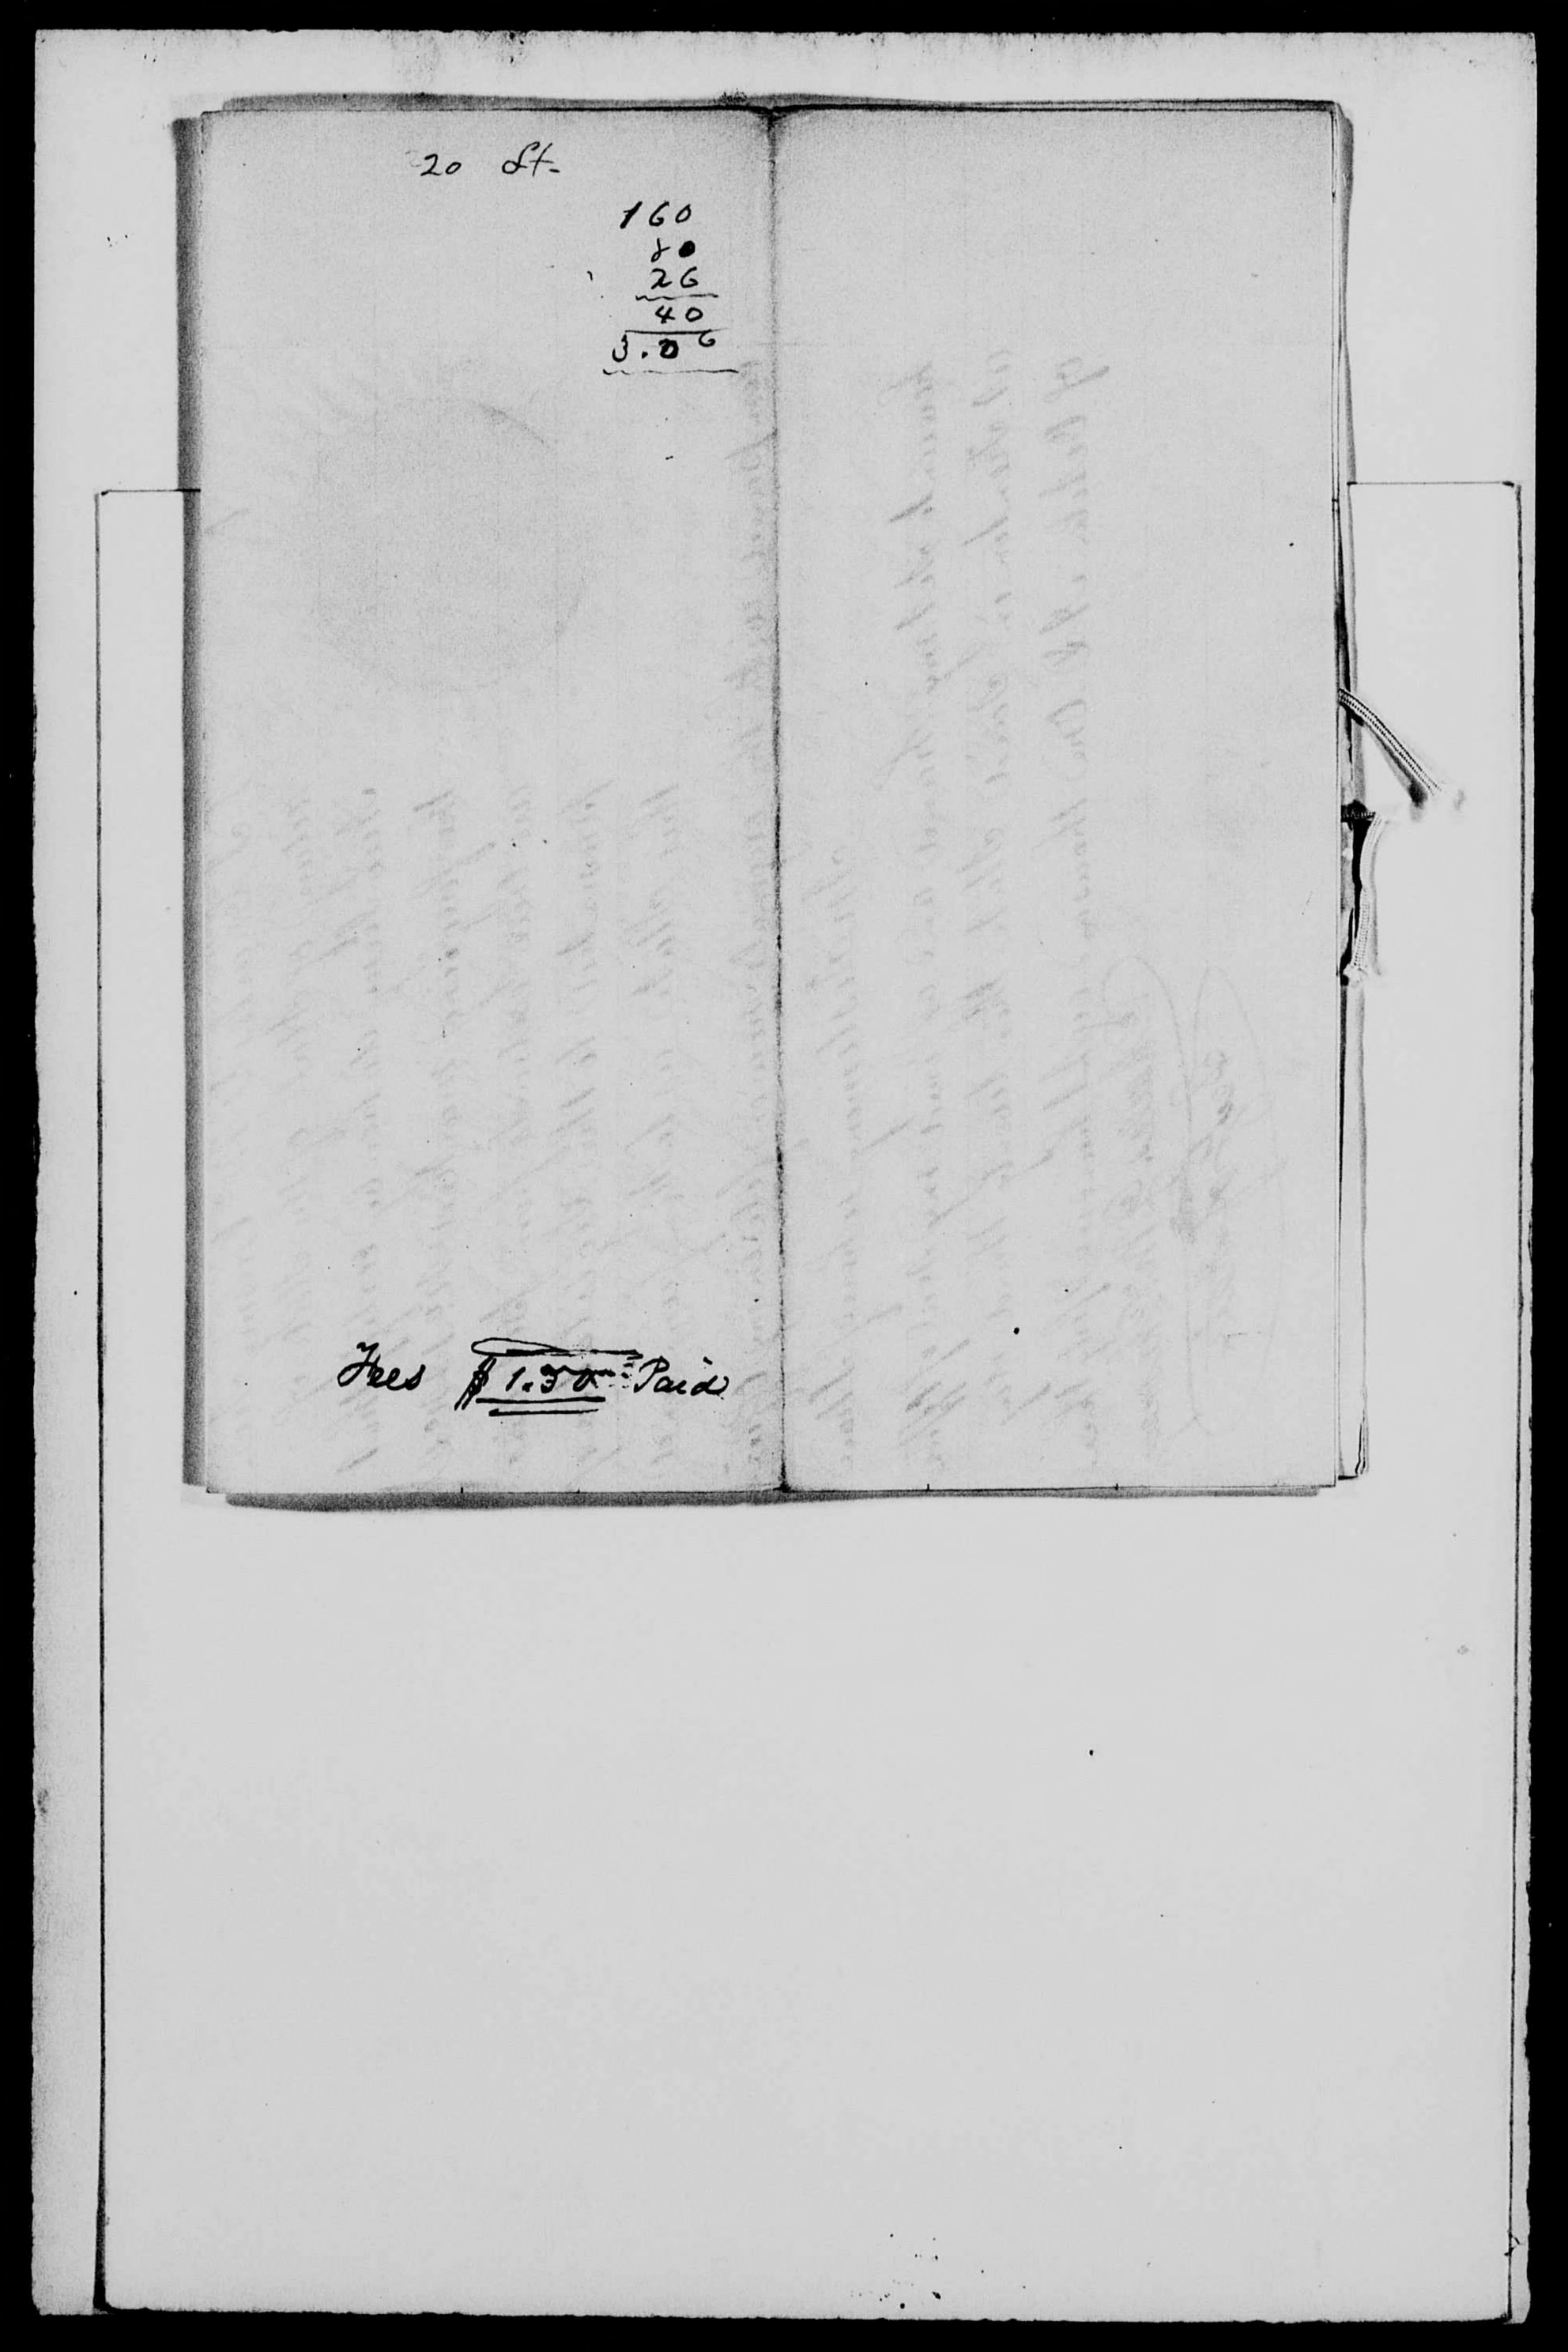20 Lt.
160
  80
  26
 ______
3.06


Fees  $1.30 Paid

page: 42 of 77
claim: widow's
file: W. 417, William De Groot, New Jersey